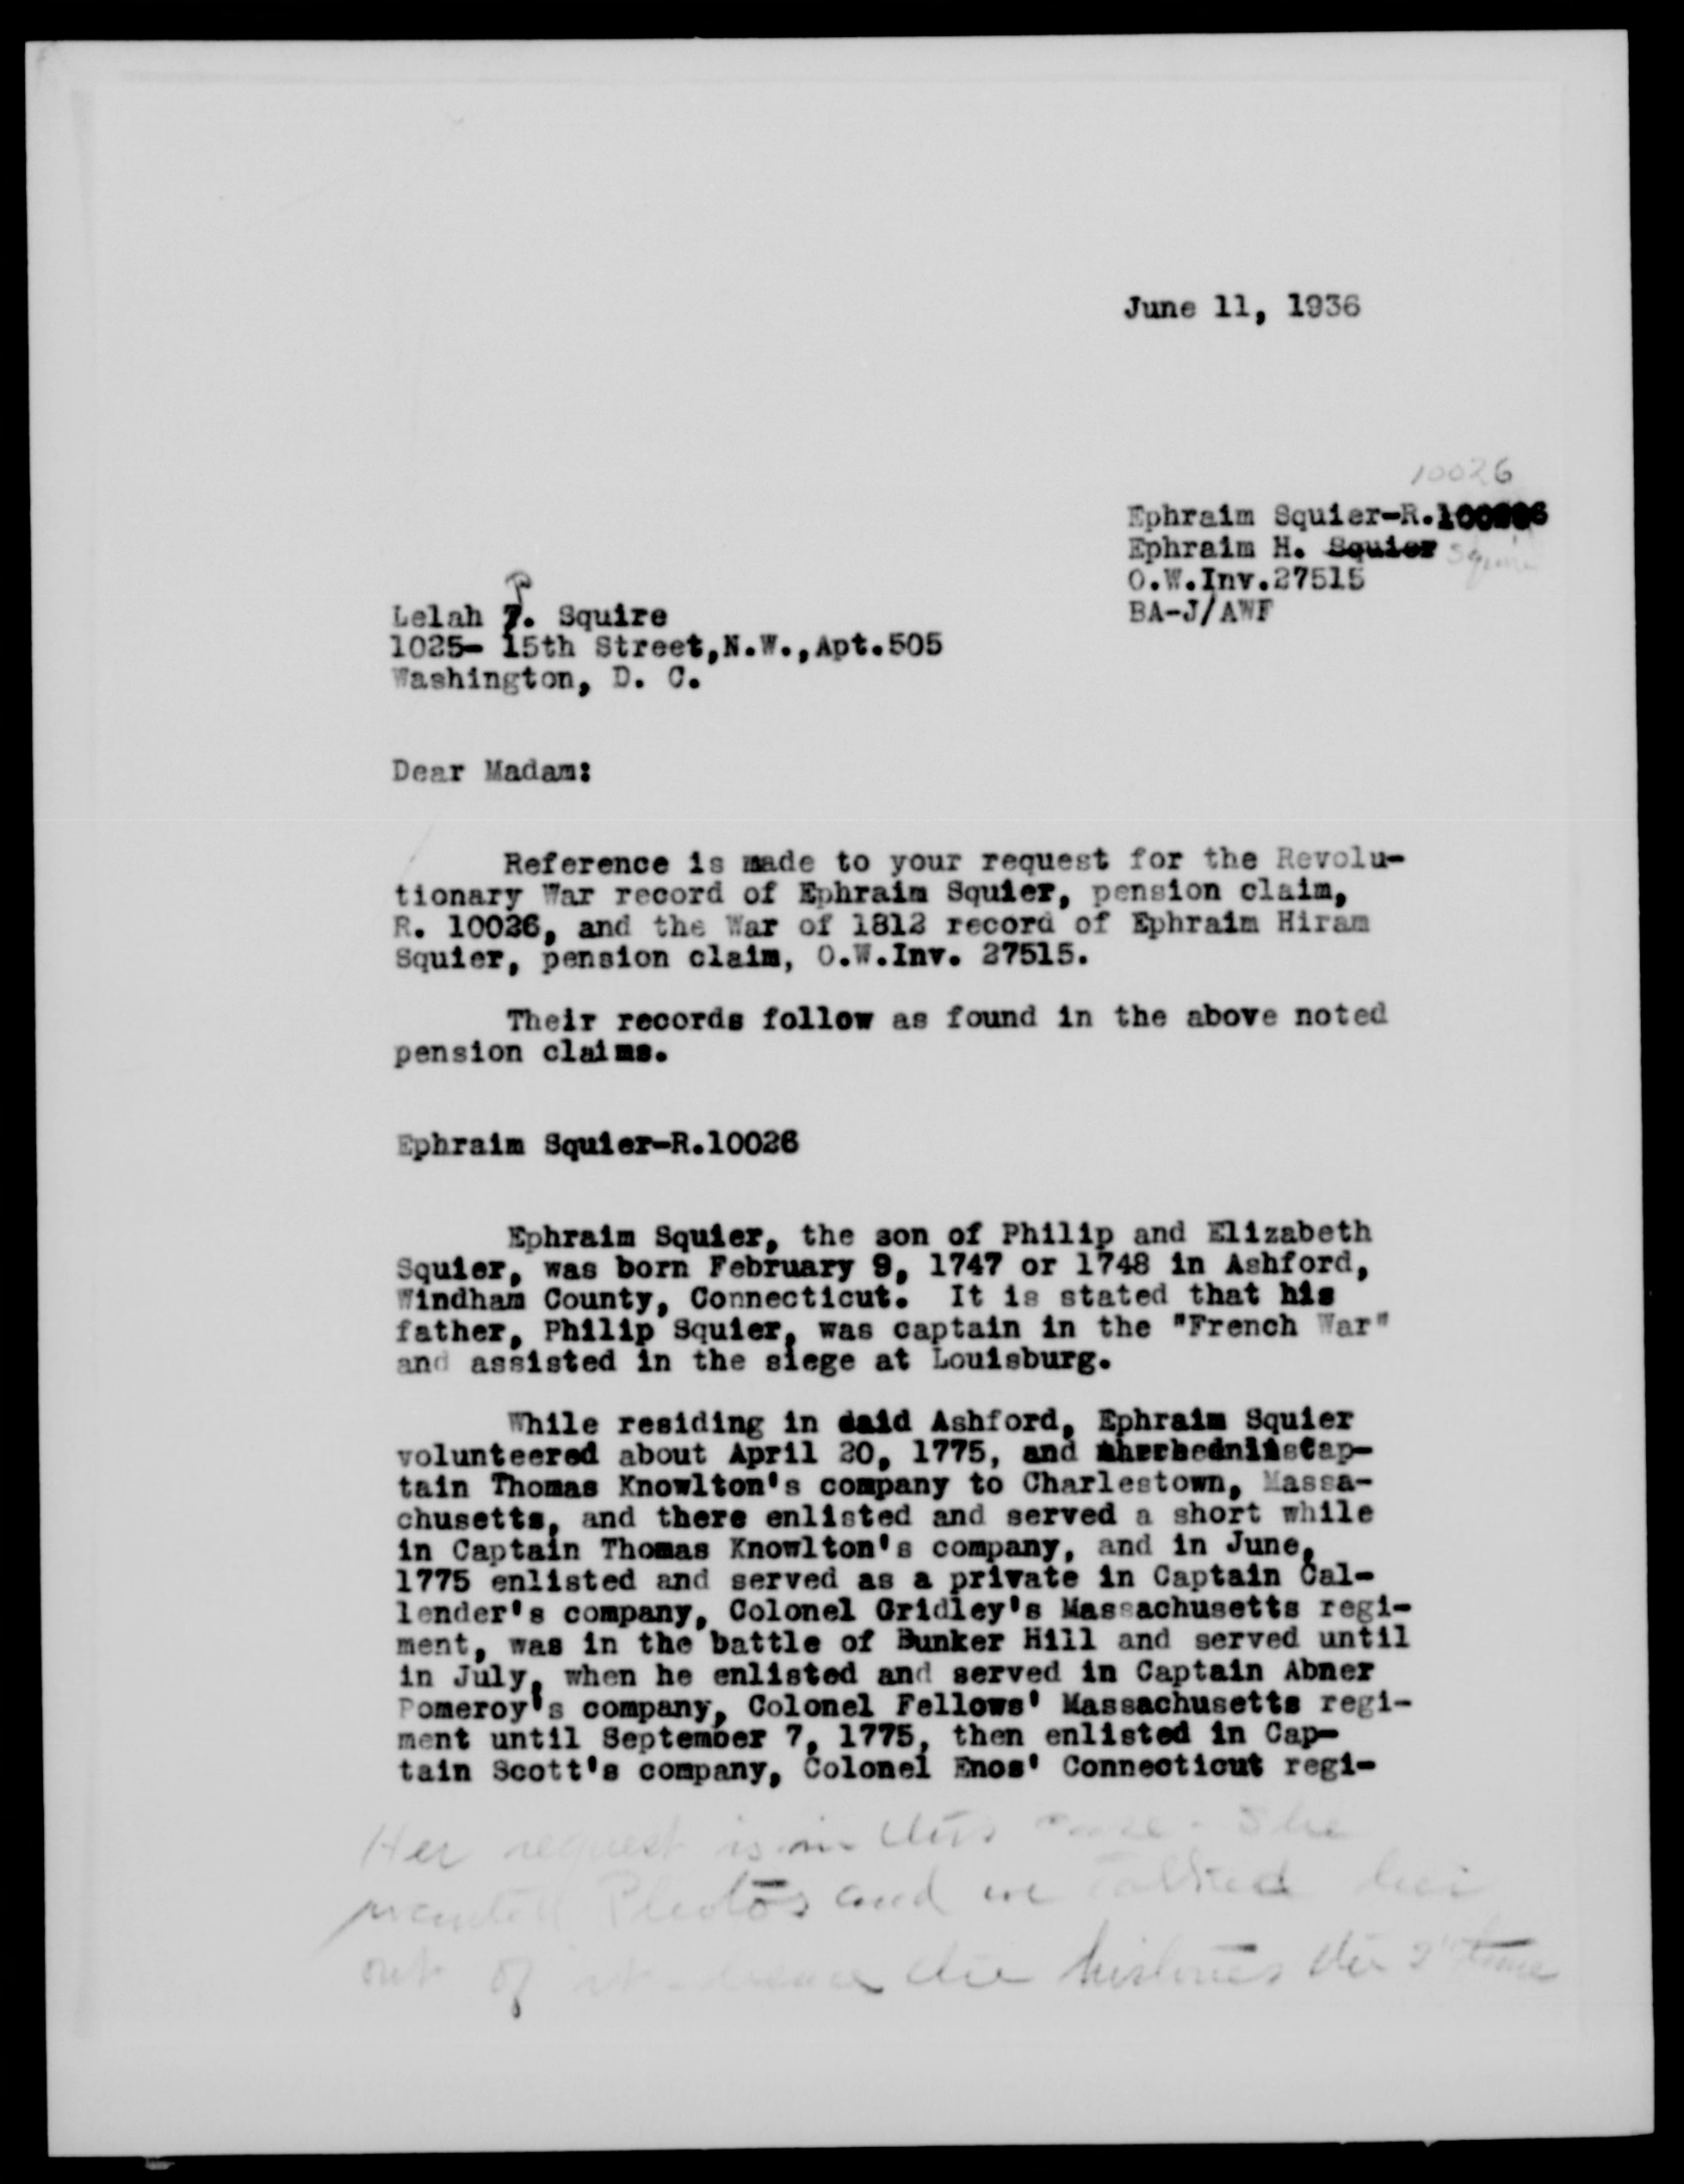Top Right page:
Ephraim Squier-R. 10026
Ephraim H.Squier
O.W. Inv.27515
BA-J/AWF

Lelah P. Squire
1025-15th Street, N.W. Apt. 505 Washington, D.C

Dear Madam:
Reference is made to your request for the Revolutionary War record of Ephraim Squier, pension claim, R. 10026, and the War of 1812 record of Ephraim Hiram Squier, pension claim, O.W. Inv. 27515.

Their records follow as found in the above noted pension claims. 

Ephraim Squier-R. 10026
Ephraim Squier, the son of Philip and Elizabeth Squier, was born February 9, 1747 or 1748 in Ashford, Windham County, Connecticut. It is stated that his father, Philip Squier, was captain in the "French War" and assisted in the siege at Louisburg.

While residing in said Ashford, Ephraim Squier volunteered about April 20, 1775 , and [illegilble] Captain THomas Knowlton's company to Charlestown, Massachusetts, and there enlsisted and served a short while in Captain Thomas Knowlton's company, and in June, 1775 enlisted and served as a private in Captain Callender's company, Colonel Oridley's Massachusetts regiment, was in the battle of Bunker Hill and served until in July, when he enlisted and served in Captain Abner Pomeroy's company, Colonel Fellows' Massachusetts regiment until September 7, 1775, then enlisted in Captain Scott's company, Colonel Enos' Connecticut regi- (page end)
*handwritten at bottom*
Her request is  in this case. She presented Pledo and we talked but out of whatever his histories his 2nd time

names: Elizabeth Squier; Ephraim Squier; Ephraim Hiram Squier; Ephraim Squier; Ephraim Squier; Philip Squier; Philip Squier; Ephraim Squier; Ephraim Squier; Lelah P Squire; Ephraim H Squier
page: 15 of 70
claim: rejected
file: R. 10,026, for Ephraim Squier, Connecticut